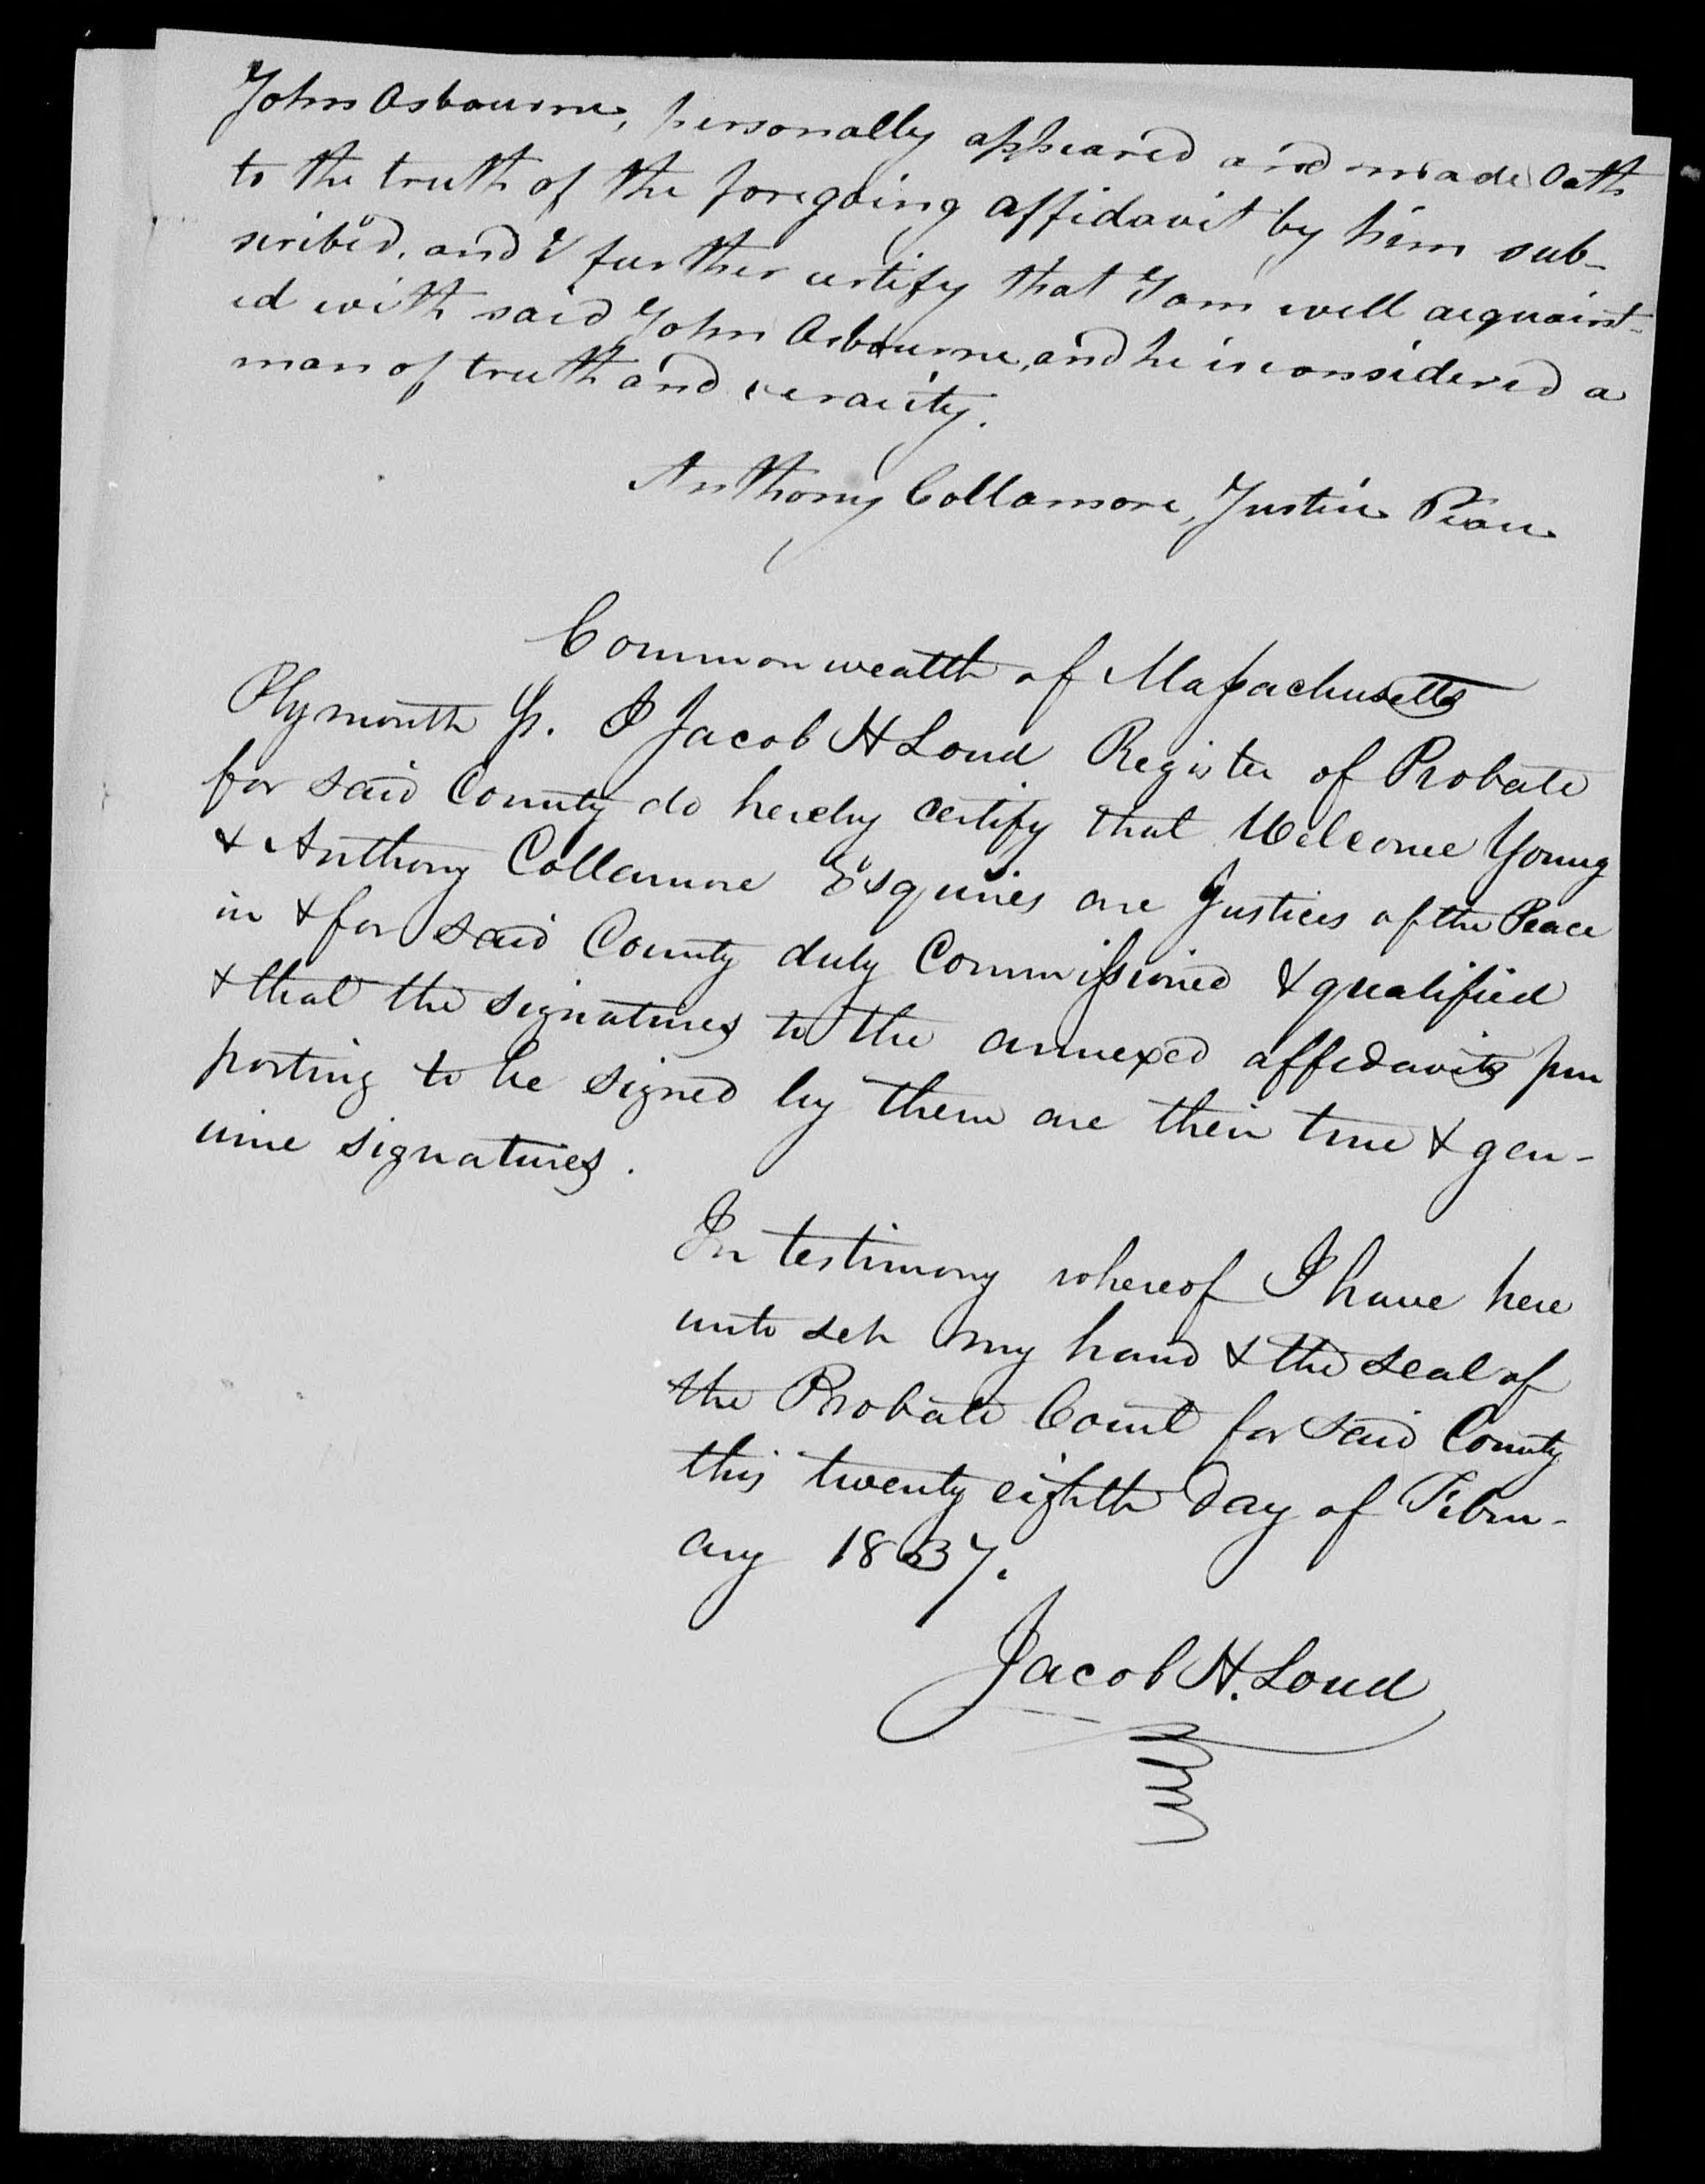John Osbourne, personally appeared and made oath to the truth of the foregoing affidavit by him subscribed and I further certify that I am well acquainted with said John Osbourne and he is considered a man of truth and veracity.

Anthony Collamore
Justice of the Peace


Commonwealth of Massachusetts

Plymouth ss.

I Jacob H. Loud Register of Probate for said County do hereby certify that Welcome Young and Anthony Collamore Esquires are Justices of the Peace in and for said County duly commissioned and qualified and that the signatures to the annexed affidavits purporting to be signed by them are their true and genuine signatures.

In testimony whereof I have hereunto set my hand and the seal of the Probate Court for said County this twenty eighth day of February 1837.

Jacob H. Loud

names: Welcome Young, Anthony Collamore, Jacob H Loud, Jacob H Loud, Anthony Collamore, John Osbourne, John Osbourne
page: 22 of 33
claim: widow's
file: W. 22862, Tilden Crooker, Mass Navy